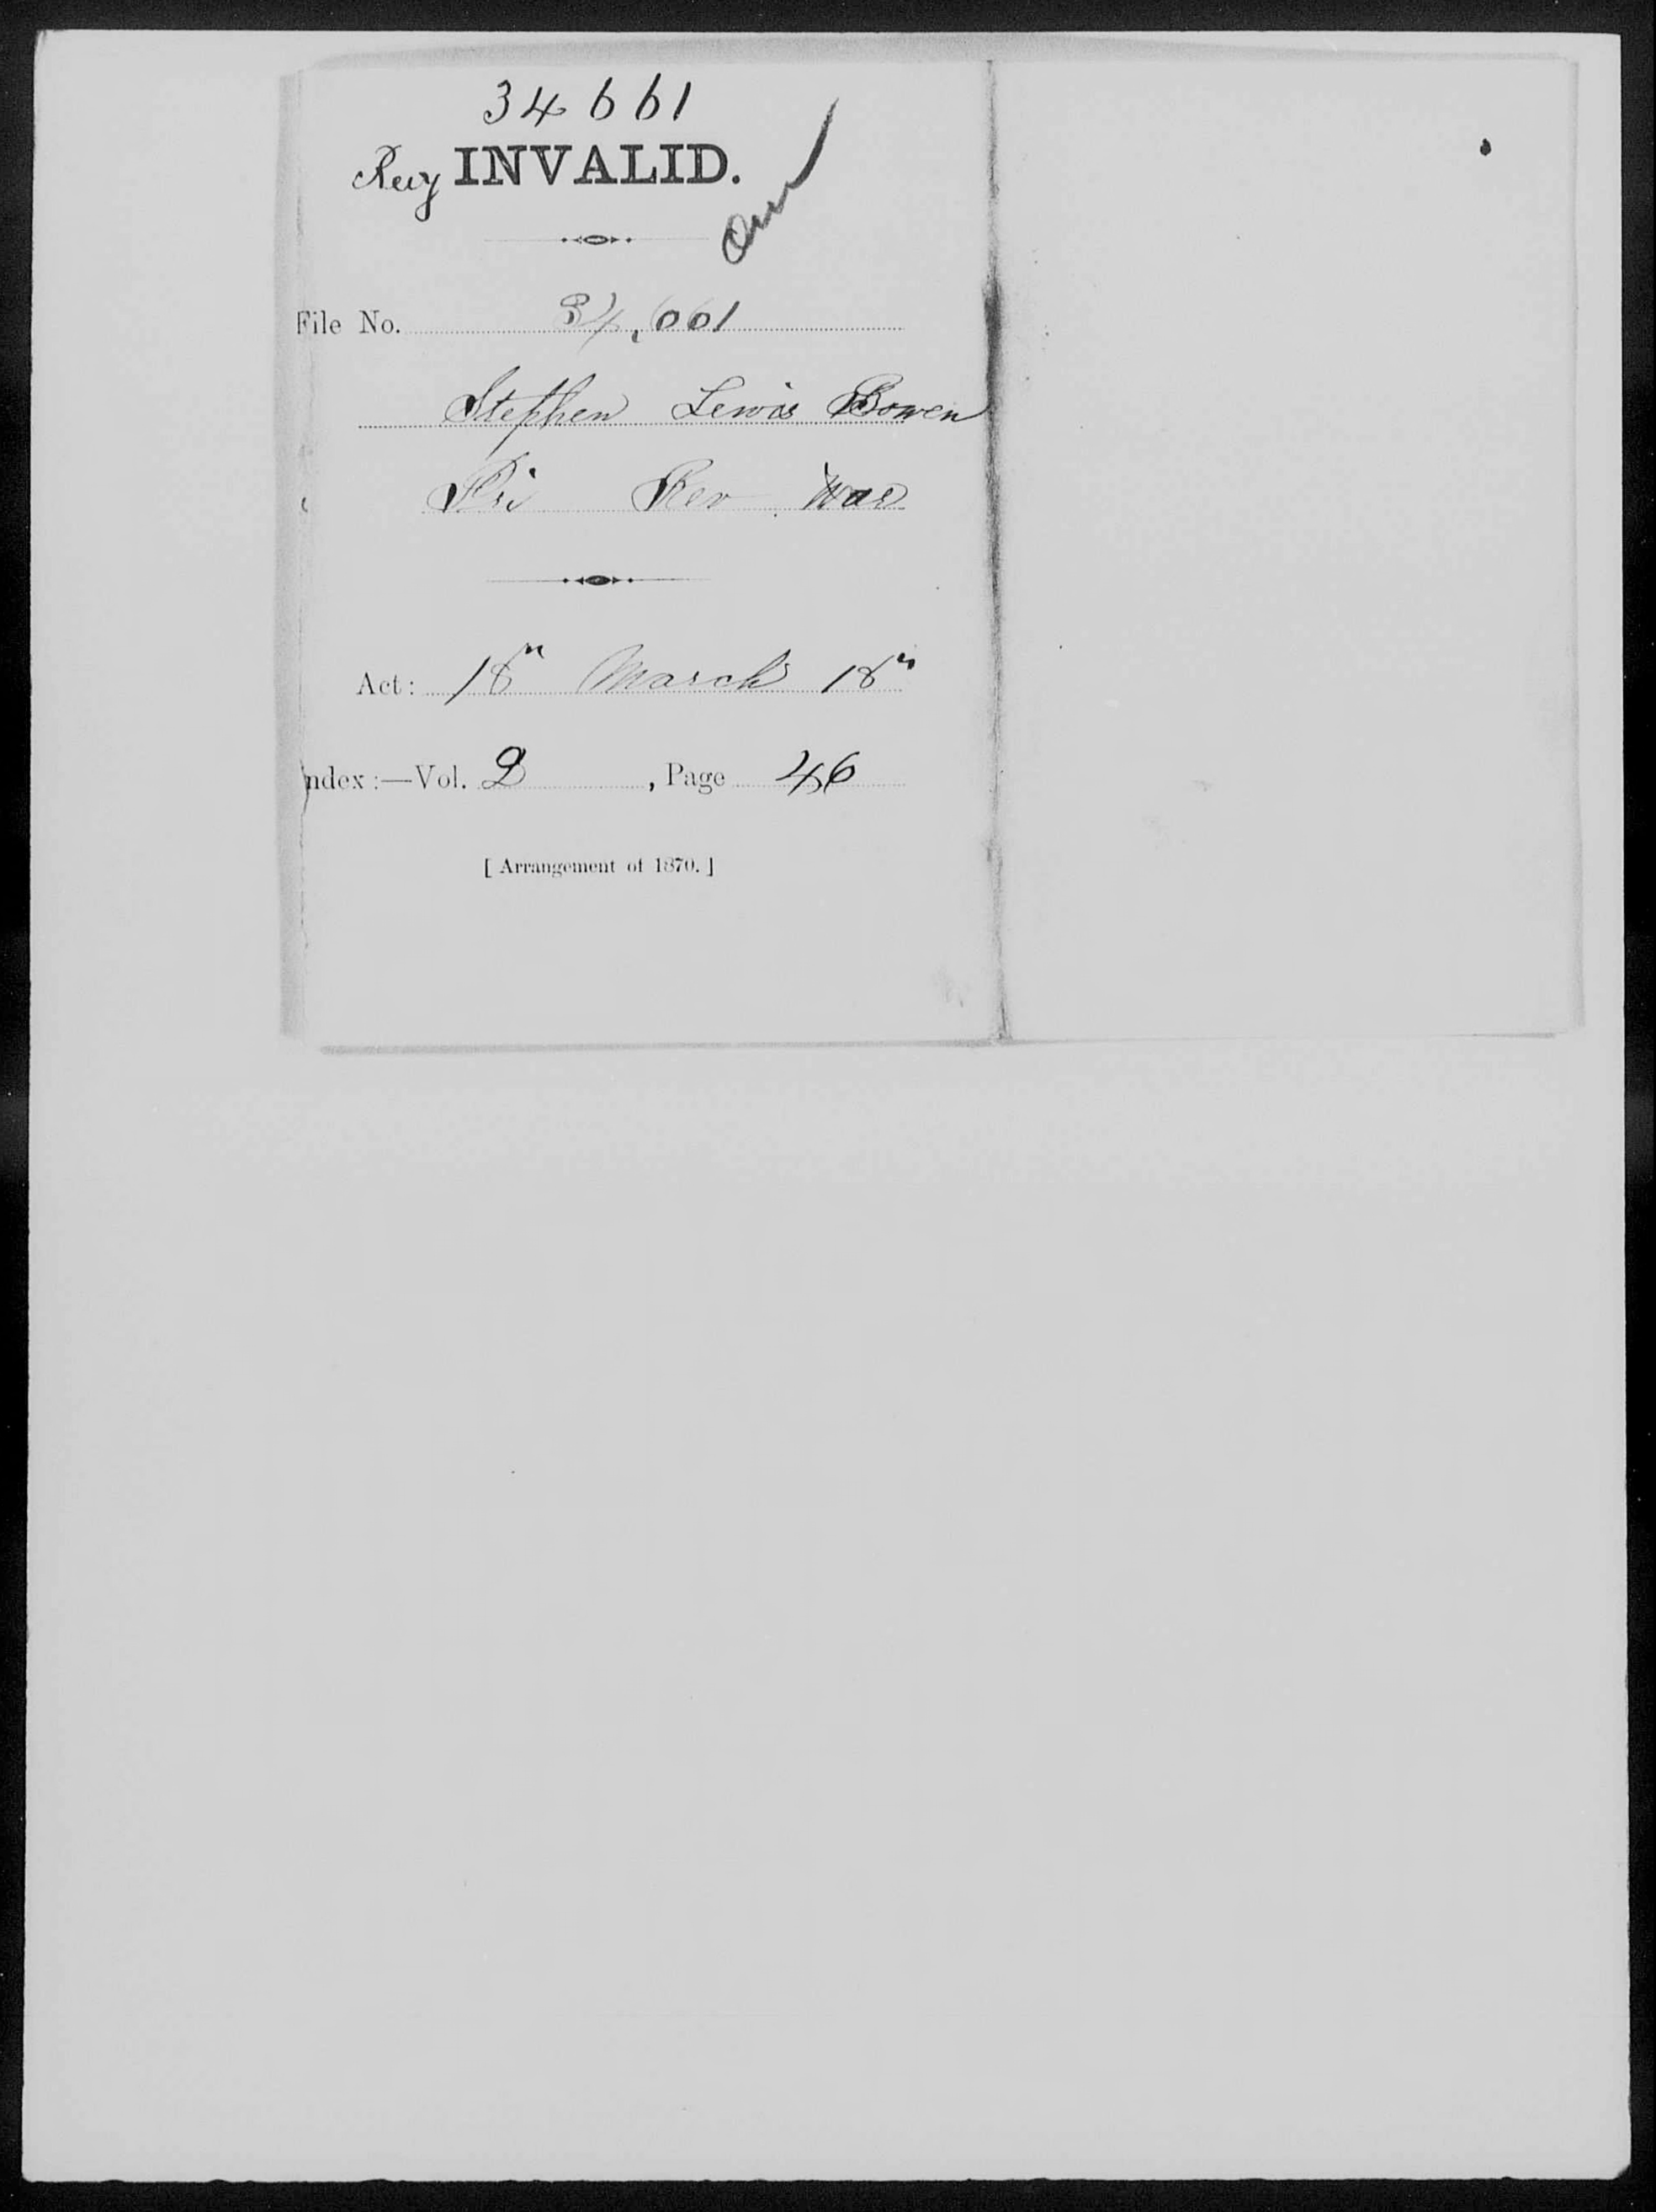34661

Revy INVALID

[???]

File No. 34, 661
Stephen Lewis Bowen
Pri Rev War
Act:  18th March 18th
Index:-- Vol. 2, Page 46

[Arrangement of 1870.]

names: Stephen Lewis Bowen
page: 2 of 11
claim: survivor's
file: S. 34,661, Stephen Lewis Bowen, Md.